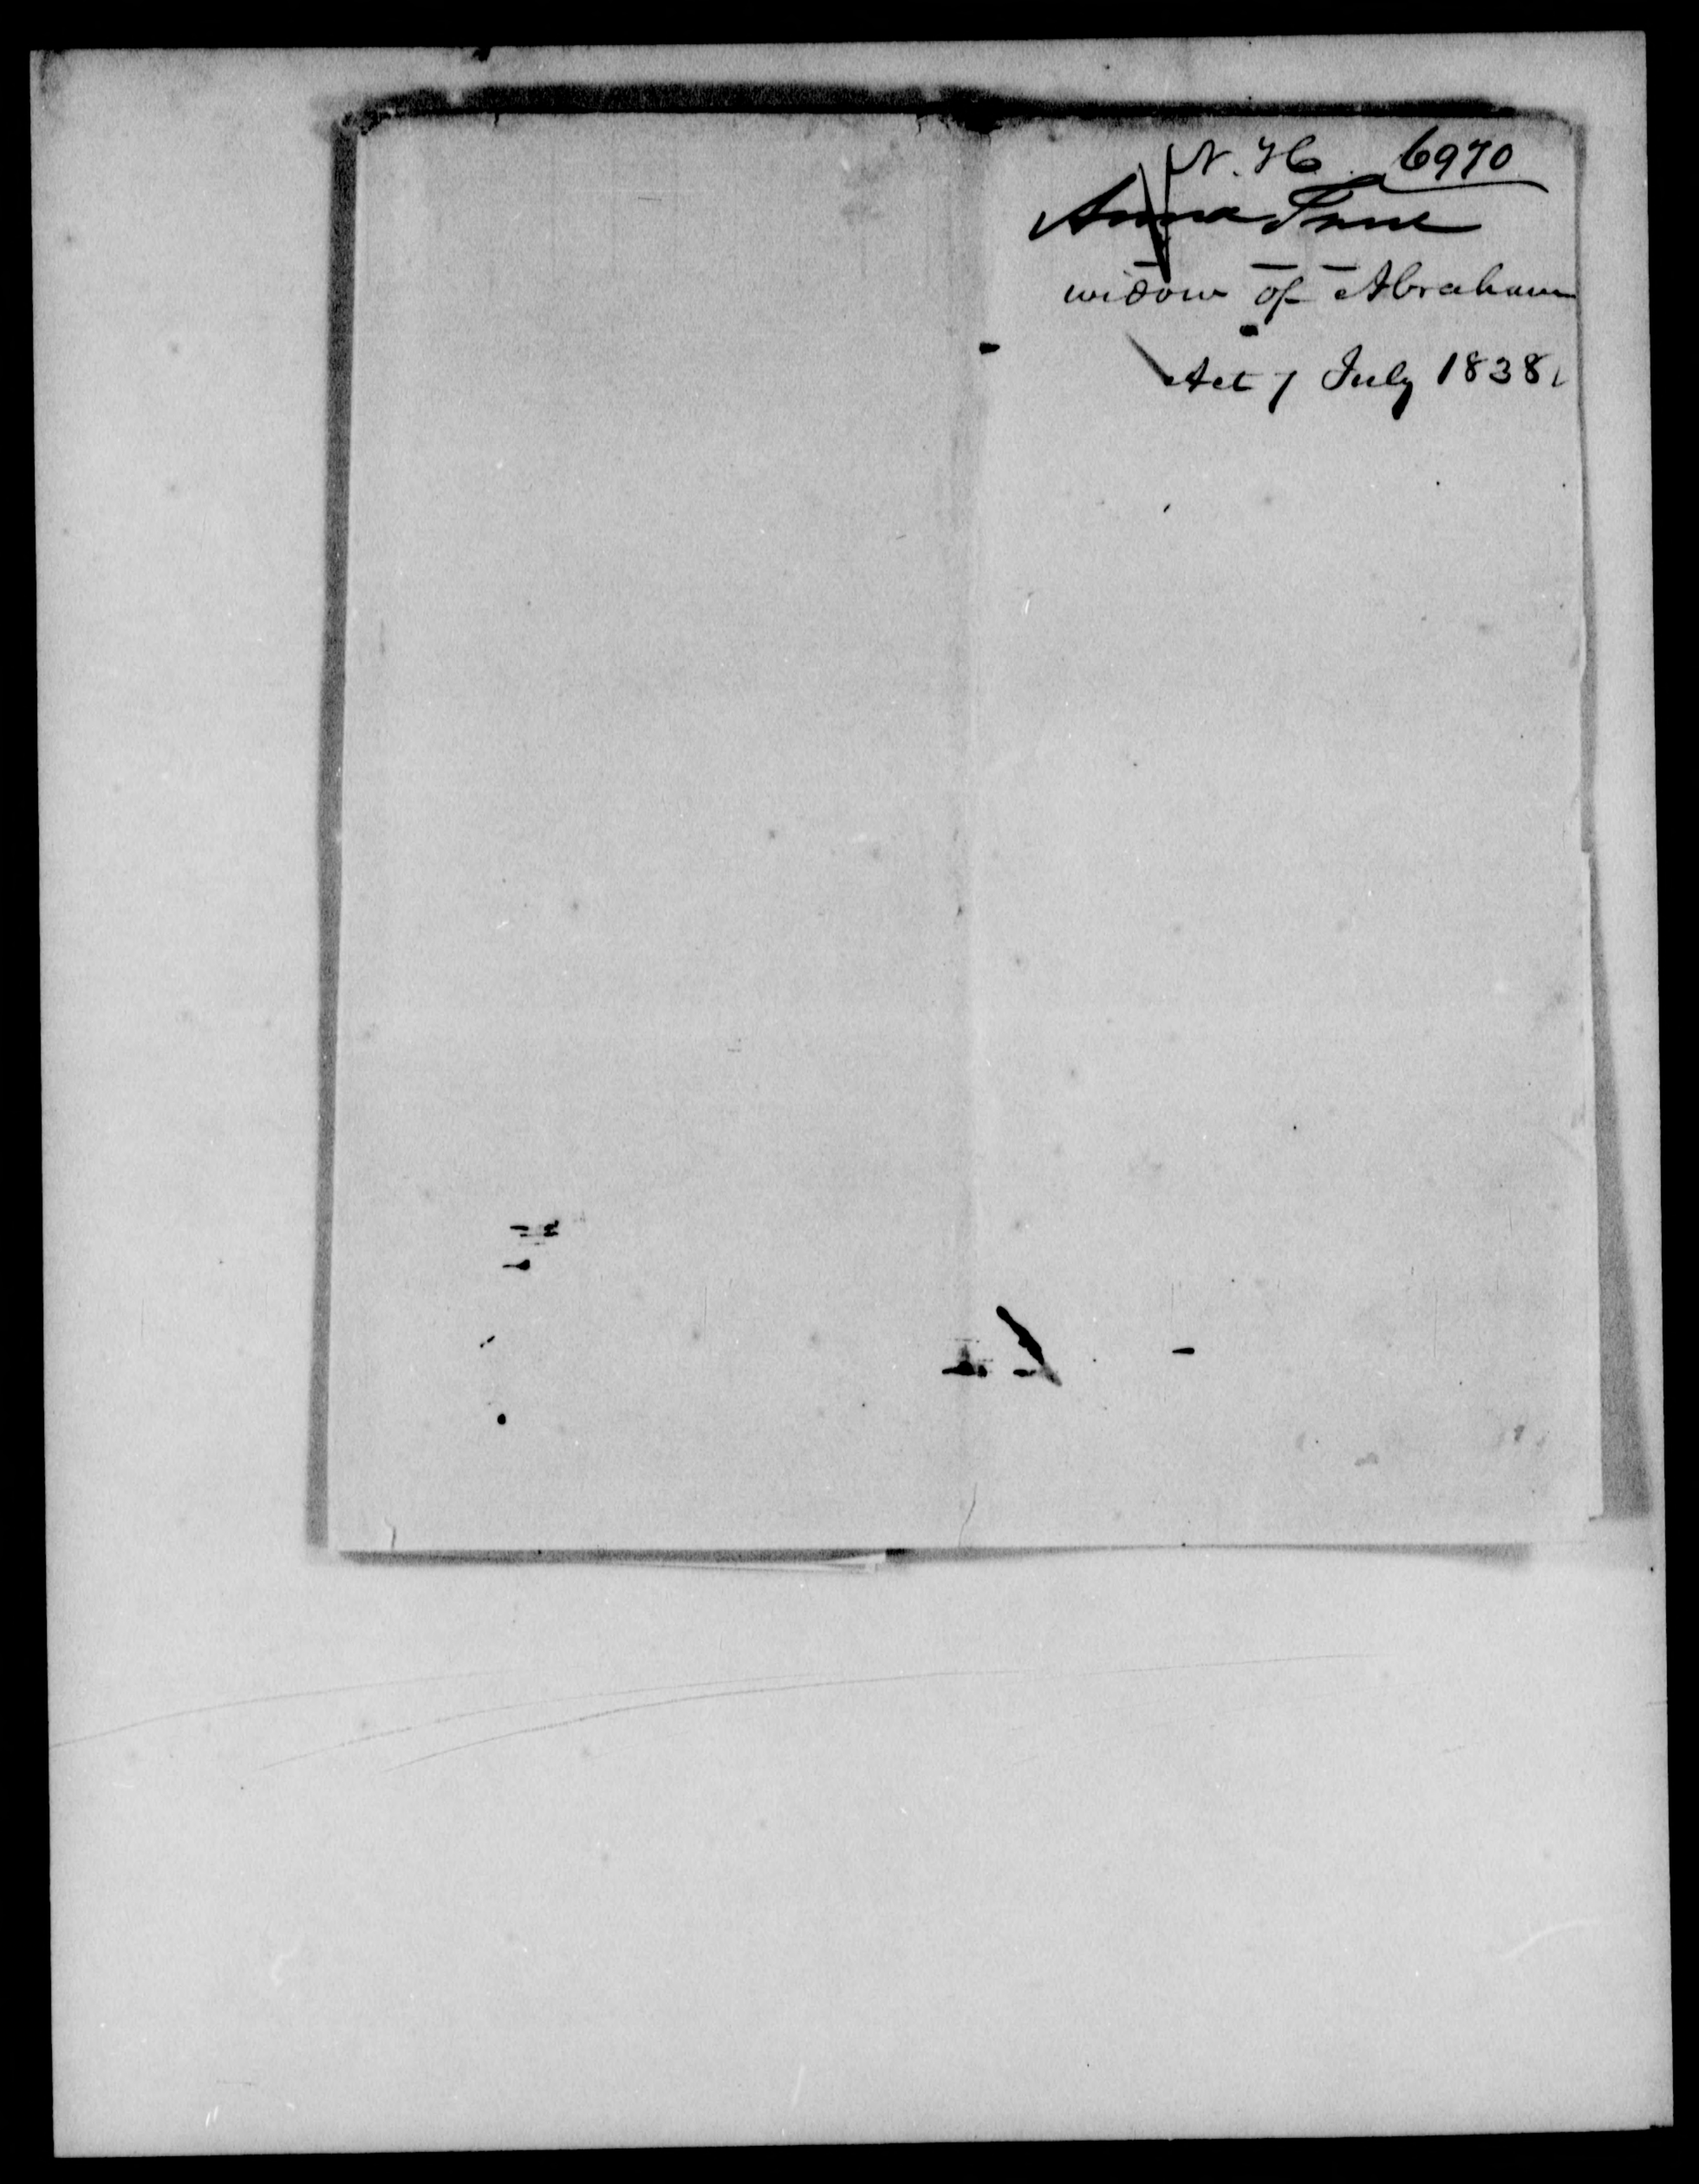N.H. 6970
Anna True
widow of Abraham
Act 7 July 1838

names: Abraham True, Anna True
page: 3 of 24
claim: widow's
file: W. 16,451, Abraham True, N.H.